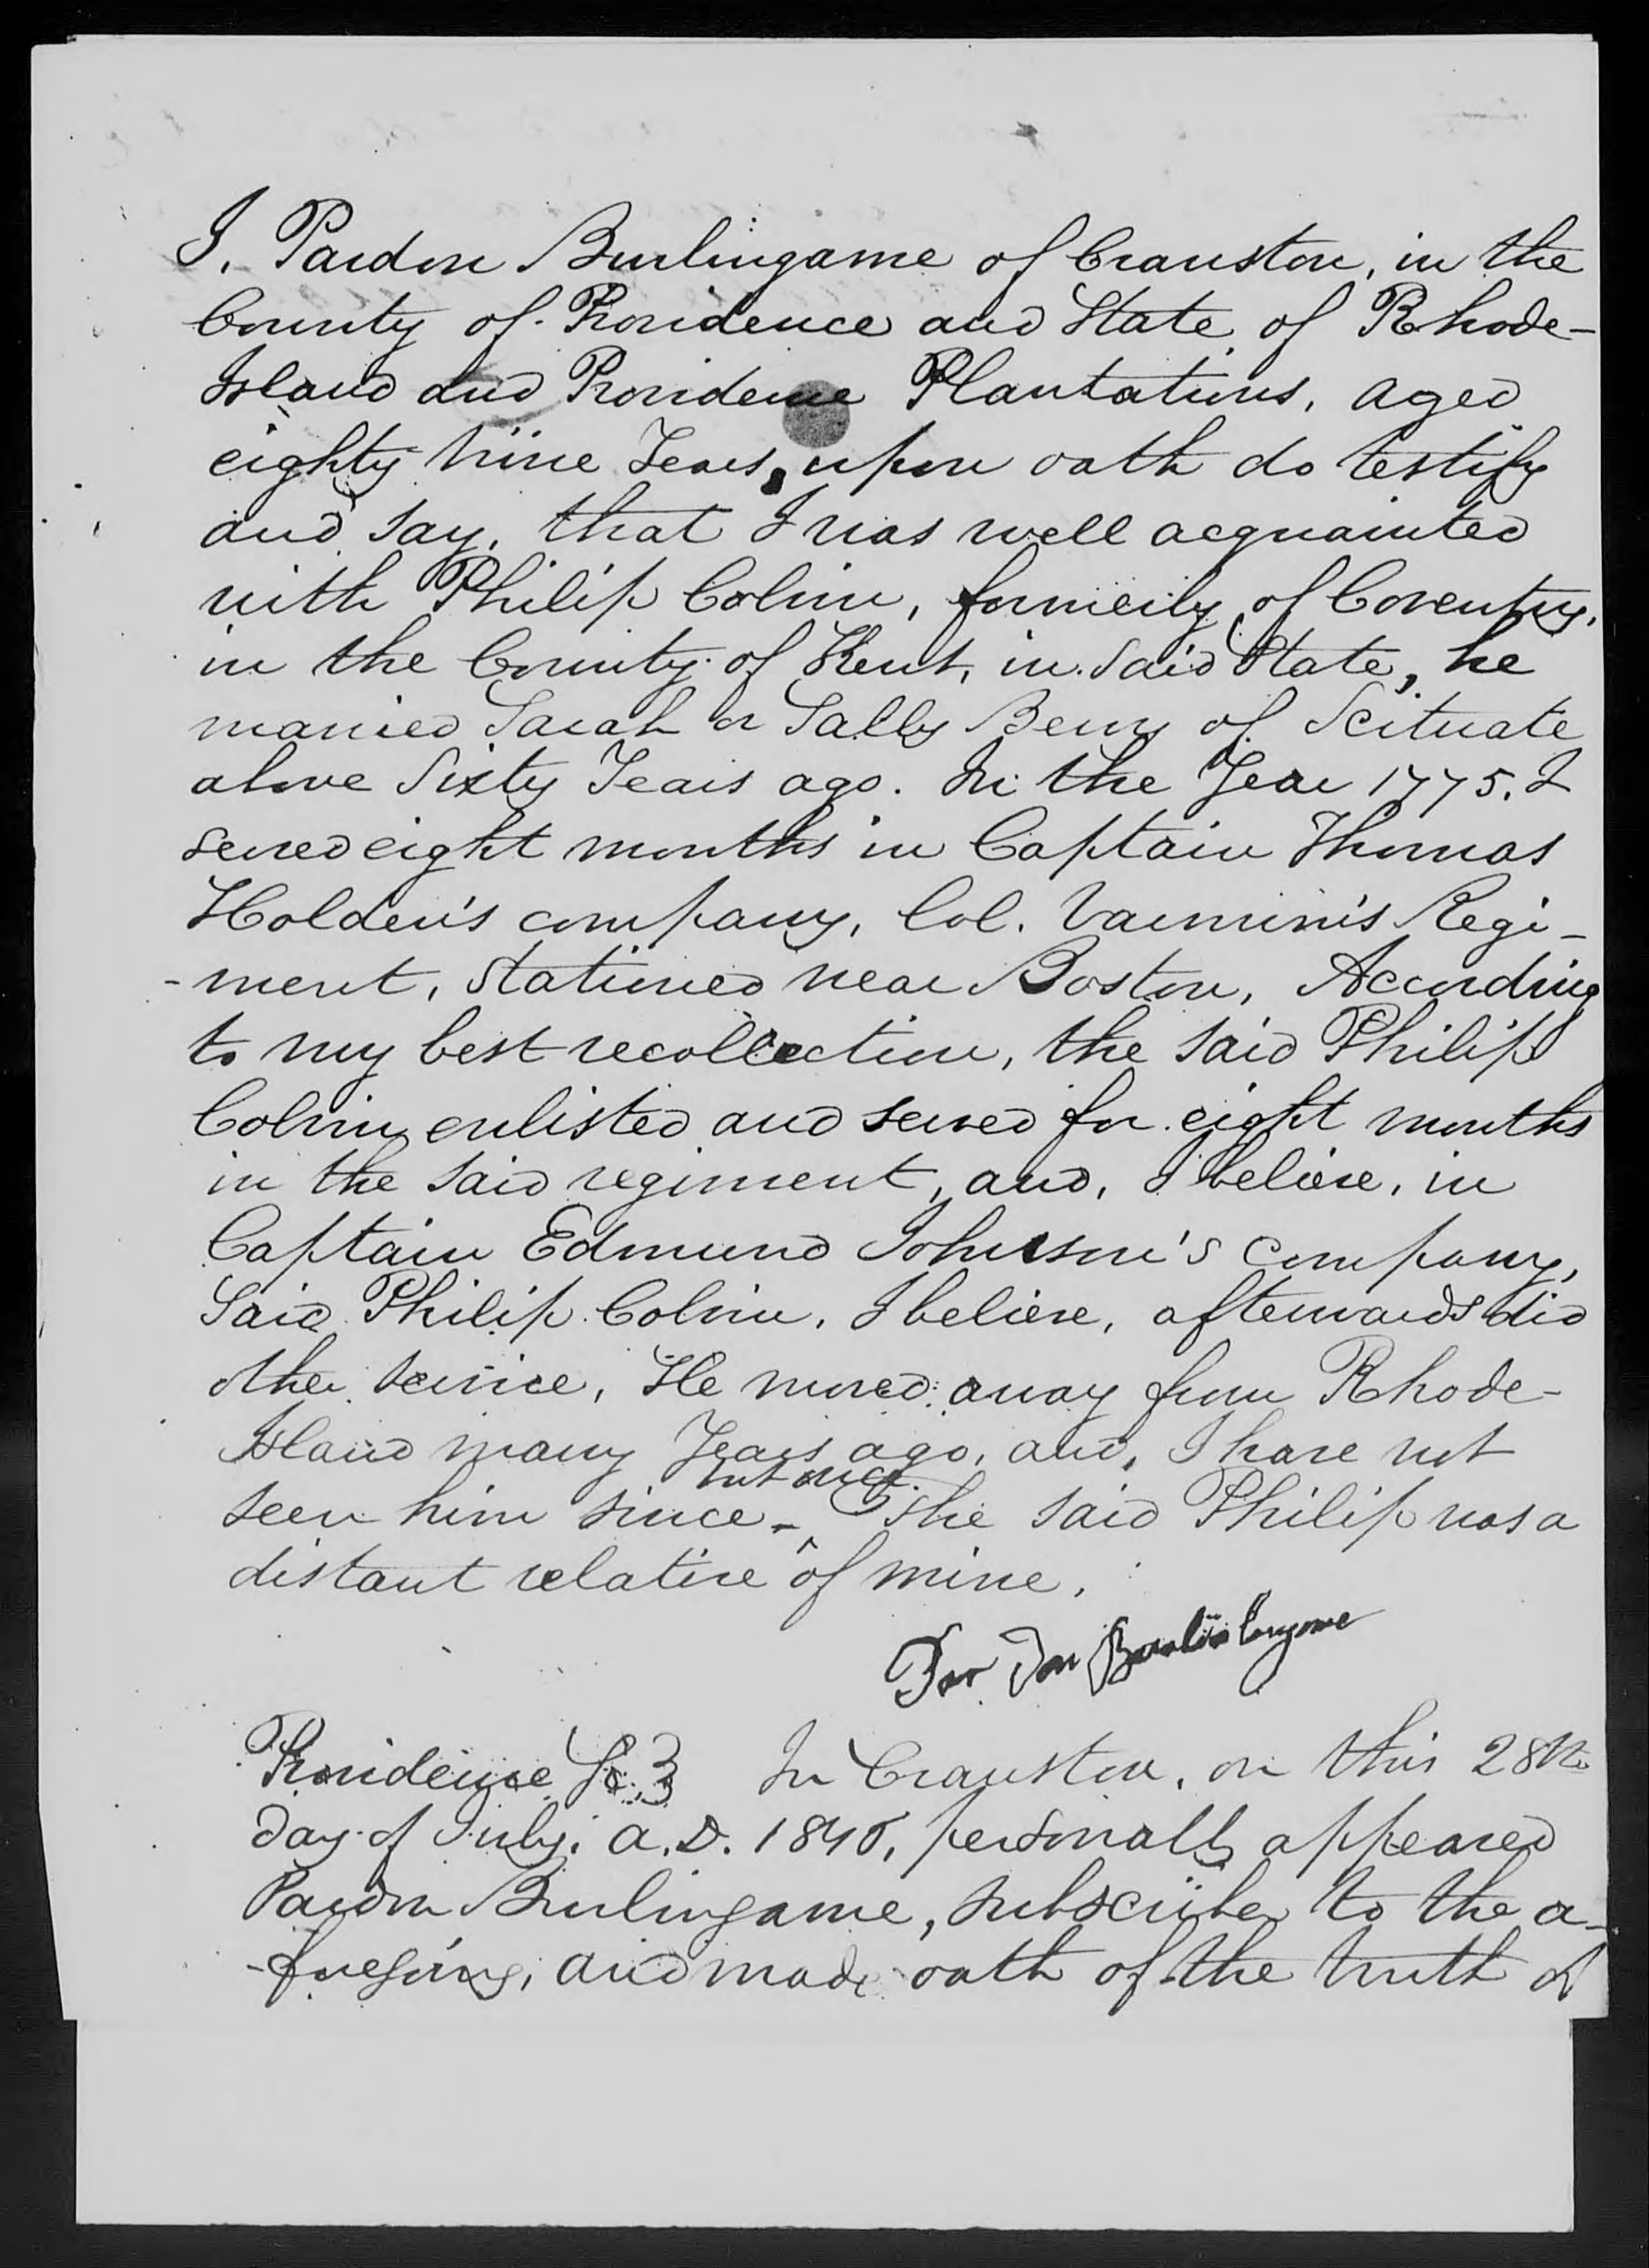I, Pardon Burlingame of Cranston, in the County of Providence and State of Rhode Island and Providence Plantations, aged eighty nine years, upon oath did testify and say, that I was well acquainted with Philip Colvin, formerly of Coventry in the County of Kent, in said state, he married Sarah or Sally Berry of Scituate above sixty years ago. In the year 1775, I served eight months in Captain Thomas Holden's company, Col. Vaimini;'s Regiment, stationed near Boston, According to my best recollection, the said Philip Colvin enlisted and served for eight months in the said regiment, and, I believe, in Captain Edmund Johnson's company, said Philip Colvin. I believe, afterwards did other service, He moved away from Rhode Island many years ago and, I have not seen him since but once. The said Philip was a distant relative of mine.

Pardon Burlingame
Providence Js} In Cranston on this 28th day of July, A.D. 1845, personally appeared Pardon Burlingame, subscriber to the a foregoing, and made oath of the truth of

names: Pardon Burlingame, Pardon Burlingame, Sally Berry, Philip Colvin, Pardon Burlingame, Philip, Sarah Berry, Philip Colvin, Philip Colvin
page: 37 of 41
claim: widow's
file: W. 3513, Philip Colvin, R.I.